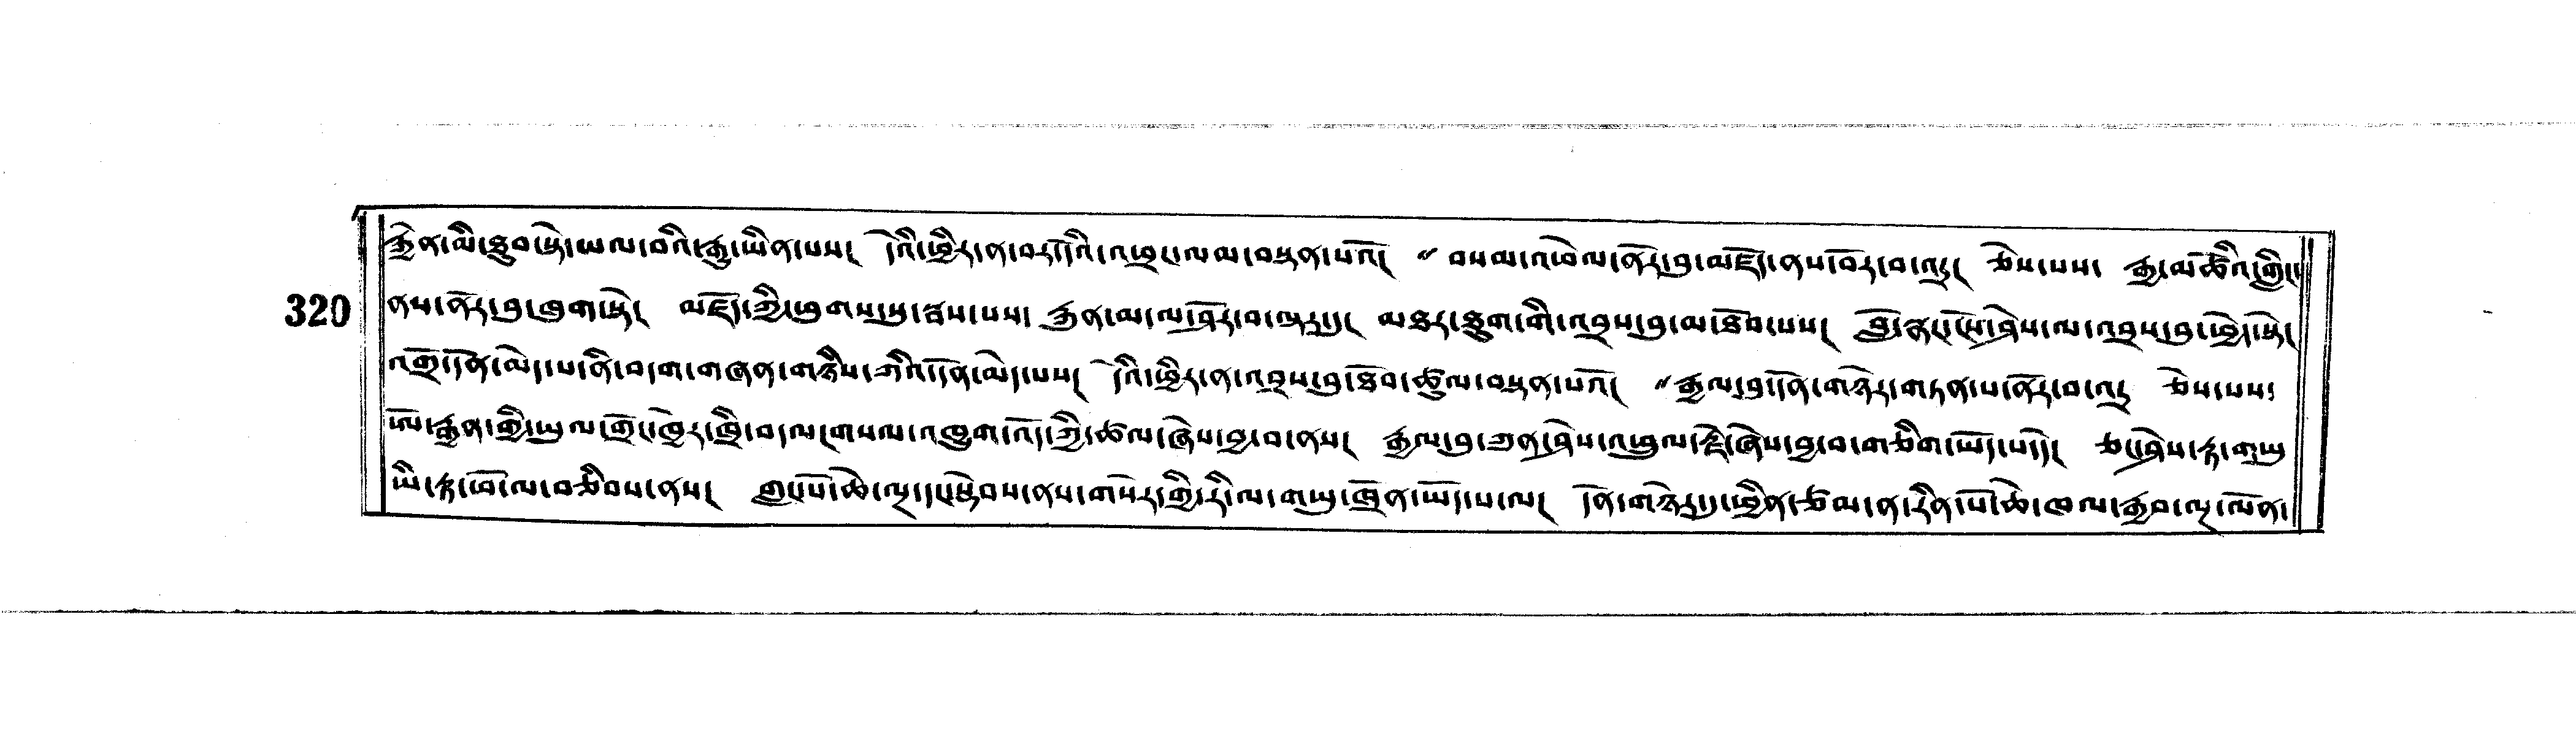རྐྱེན་མི་ཐུབ་སྟེ་ཡལ་བའི་རྒྱུ་ཡིན་པས་དེའི་ཕྱིར་ན་བར་དོའི་འཕྲང་ལམ་བསྟན་པའོ། ༧ བསམ་འཕེལ་ནོར་བུ་མཛོད་ནས་བོར་བ་འདྲ། ཅེས་པས། རྒྱ་མཚོའི་གླིང་
ནས་ནོར་བུ་ཁུག་སྟེ་མཛོད་ཀྱི་ཕུགས་སུ་སྦས་པས་རྐུན་མ་ལ་ཤོར་བ་ལྟར་དུ། མཐར་ཐུག་གི་འབྲས་བུ་མ་ཐོབ་པས། བློ་སྣང་ངོས་ཤེས་ལ་འབྲས་བུ་ཕྱེད་སྟེ། 
འགྲོ་དོན་མེད་པ་ནི་བདག་གཞན་གཉིས་ཀའི་དོན་མེད་པས། དེའི་ཕྱིར་ན་འབྲས་བུ་ཐོབ་ཚུལ་བསྟན་པའོ། ༧ རྒྱལ་བུ་དོན་གཉེར་གཏན་པ་ནོར་བ་འདྲ། ཅེས་པས། 
ཨོ་རྒྱན་གྱི་ཡུལ་གྲོང་ཁྱེར་ཁྲི་བདལ་གསལ་འཁྱུག་འོད་ཀྱི་ཚལ་ཞེས་བྱ་བ་ན། རྒྱལ་བུ་ཀུན་ཤེས་འཕྲུལ་རྗེ་ཞེས་བྱ་བ་ཞིག་ཡོད་པ་དེ། ཅང་ཤེས་རྟ་གཡུ་
ཡི་རྟ་ཕོ་ལ་བཅིབས་ནས། གླང་པོ་ཆེ་ལྔ་དང་བསྡེབས་ནས་གསེར་གྱི་རི་ལ་གཡུ་ཁྲོན་ཡོད་པ་ལ། དོན་གཉེར་དུ་ཕྱིན་ཙམ་ན་རིན་པོ་ཆེ་ཁལ་རྒྱབ་ལྔ་ལོན་